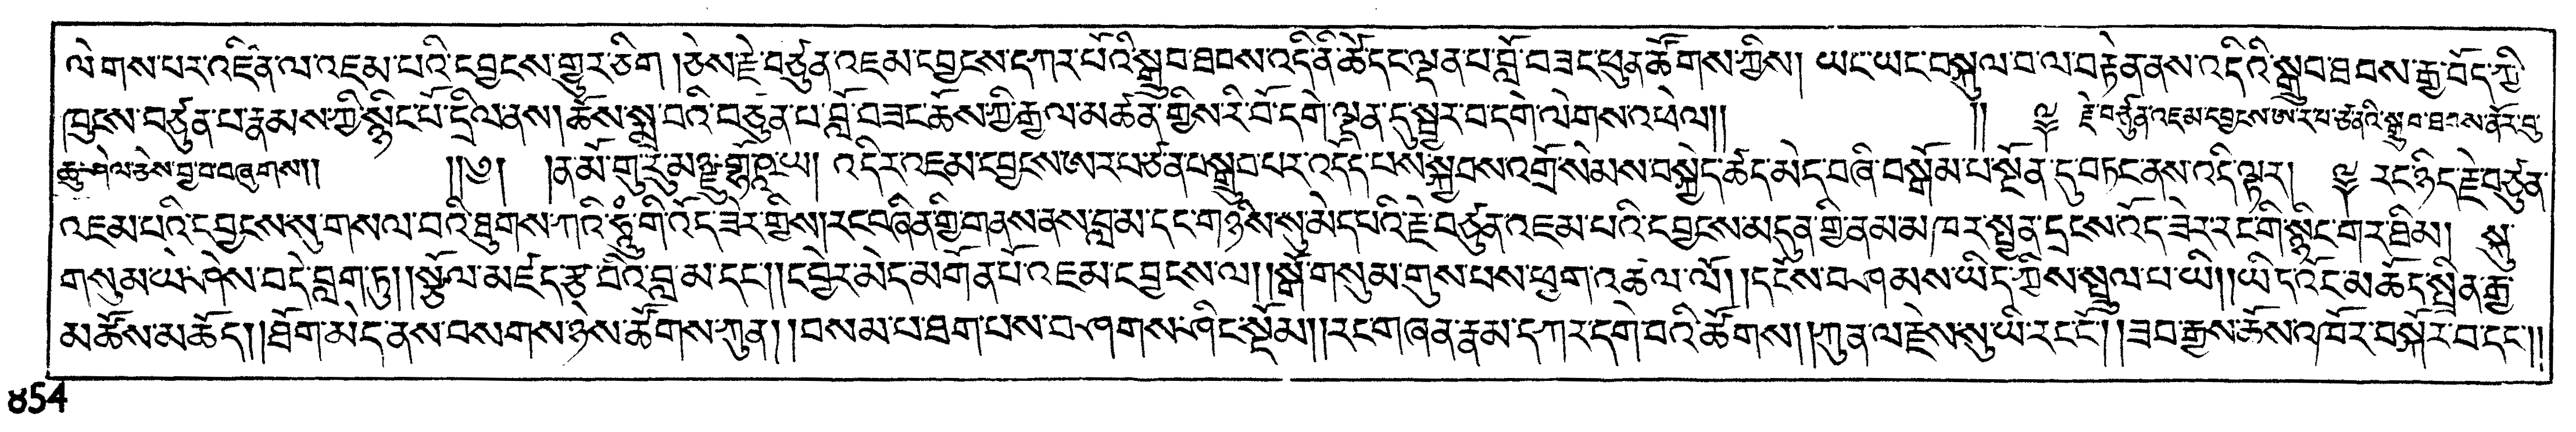ལེགས་པར་འཛིན་ལ་འཇམ་པའི་དབྱངས་གྱུར་ཅིག །ཅེས་རྗེ་བཙུན་འཇམ་དབྱངས་དཀར་པོའི་སྒྲུབ་ཐབས་འདི་ནི་ཚེ་དང་ལྡན་པ་བློ་བཟང་ཕུན་ཚོགས་ཀྱིས། ཡང་ཡང་བསྐུལ་བ་ལ་བརྟེན་ནས་འདིའི་སྒྲུབ་ཐབས་རྒྱ་བོད་ཀྱི་
ཁུངས་བཙུན་པ་རྣམས་ཀྱི་སྙིང་པོ་དྲིལ་ནས། ཆོས་སྨྲ་བའི་བཙུན་པ་བློ་བཟང་ཆོས་ཀྱི་རྒྱལ་མཚན་གྱིས་རི་བོ་དགེ་ལྡན་དུ་སྦྱར་བ་དགེ་ལེགས་འཕེལ།། །།༈ རྗེ་བཙུན་འཇམ་དབྱངས་ཨ་ར་པ་ཙ་ནའི་སྒྲུབ་ཐབས་ནོར་བུ་
ཆུ་ཤེལ་ཅེས་བྱ་བ་བཞུགས།། །།༄༅། །ན་མོ་གུ་རུ་མཉྫུ་གྷོ་ཥཱ་ཡ། འདིར་འཇམ་དབྱངས་ཨར་པ་ཙ་ན་བསྒྲུབ་པར་འདོད་པས་སྐྱབས་འགྲོ་སེམས་བསྐྱེད་ཚད་མེད་བཞི་བསྒོམ་པ་སྔོན་དུ་བཏང་ནས་འདི་ལྟར། ༈ རང་ཉིད་རྗེ་བཙུན་
འཇམ་པའི་དབྱངས་སུ་གསལ་བའི་ཐུགས་ཀའི་ཧཱུཾ་གི་འོད་ཟེར་གྱིས། རང་བཞིན་གྱི་གནས་ནས་བླ་མ་དང་གཉིས་སུ་མེད་པའི་རྗེ་བཙུན་འཇམ་པའི་དབྱངས་མདུན་གྱི་ནམ་མཁར་སྤྱན་དྲངས་འོད་ཟེར་རང་གི་སྙིང་གར་ཐིམ། སྐུ་
གསུམ་ཡེ་ཤེས་བདེ་བླག་ཏུ། །སྩོལ་མཛད་རྩ་བའི་བླ་མ་དང་། །དབྱེར་མེད་མགོན་པོ་འཇམ་དབྱངས་ལ། །སྒོ་གསུམ་གུས་པས་ཕྱག་འཚལ་ལོ། །དངོས་བཤམས་ཡིད་ཀྱིས་སྤྲུལ་པ་ཡི། །ཡིད་འོང་མཆོད་སྤྲིན་རྒྱ་
མཚོས་མཆོད། །ཐོག་མེད་ནས་བསགས་ཉེས་ཚོགས་ཀུན། །བསམ་པ་ཐག་པས་བཤགས་ཤིང་སྡོམ། །རང་གཞན་རྣམ་དཀར་དགེ་བའི་ཚོགས། །ཀུན་ལ་རྗེས་སུ་ཡི་རང་ངོ། །ཟབ་རྒྱས་ཆོས་འཁོར་བསྐོར་བ་དང།།